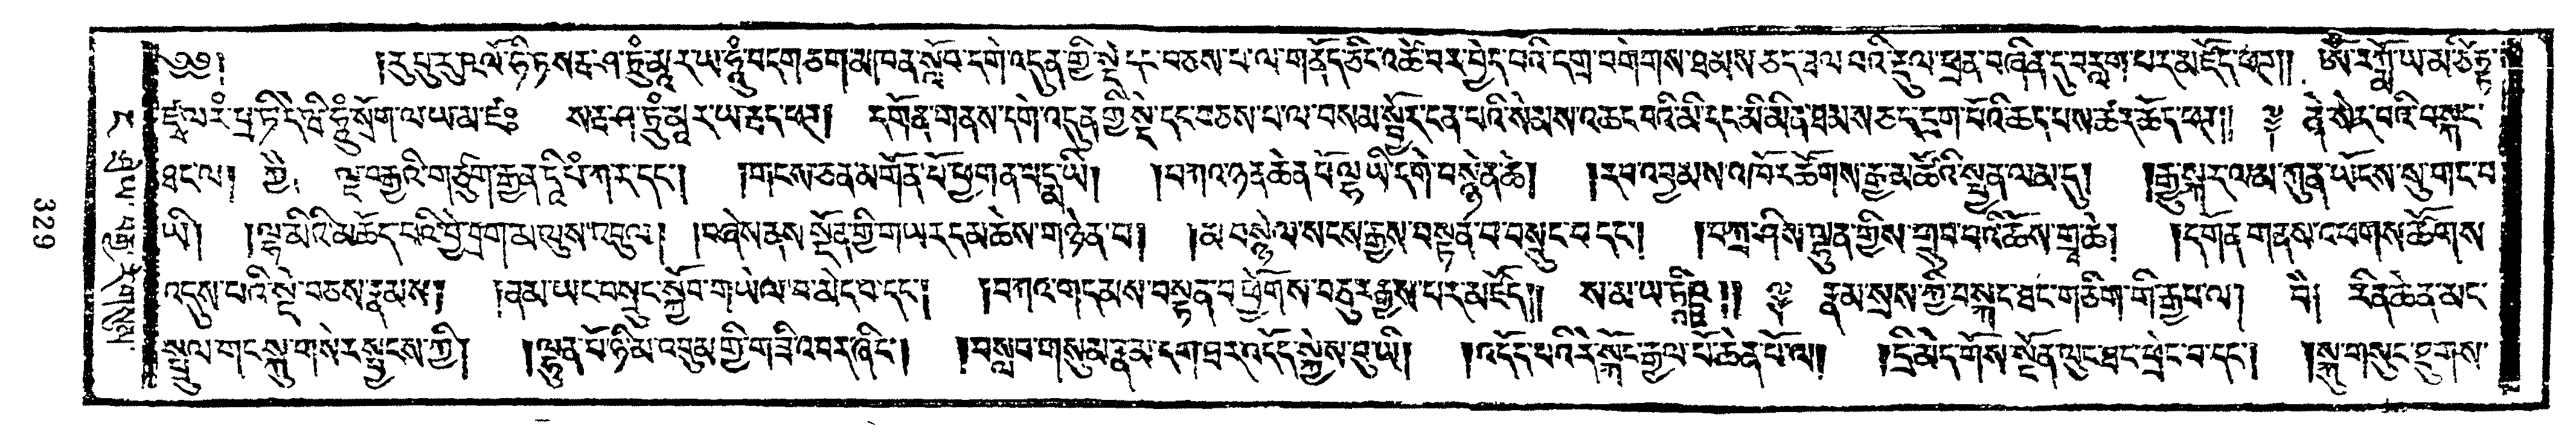༄༅། །རུ་པུ་རུ་ཥ་ལོ་ཧི་ཏ་སརྦ་ཤ་ཧཱུཾ་མཱ་ར་ཡ་ཧཱུཾ་བདག་ཅག་མཁན་སློབ་དགེ་འདུན་གྱི་སྡེ་དང་བཅས་པ་ལ་གནོད་ཅིང་འཚེ་བར་བྱེད་བའི་དགྲ་བགེགས་ཐམས་ཅད་ཐལ་བའི་རྡུལ་ཕྲན་བཞིན་དུ་བརླག་པར་མཛོད་ཕཊ། ཨོཾ་རཀྨོ་ཡ་མ་ཙིཏྟ་
ཛྭ་ལ་རཾ་པྲ་ཏི་དེ་ཝི་ཧཱུཾ་སྲོག་ལ་ཡ་མ་ཛཿ སརྦ་ཤ་ཏྲཱུཾ་མཱ་ར་ཡ་རྦད་ཕཊ། དགོན་གནས་དགེ་འདུན་གྱི་སྡེ་དང་བཅས་པ་ལ་བསམ་སྦྱོར་ངན་པའི་སེམས་འཆང་བའི་མི་དང་མི་མིན་ཐམས་ཅད་དྲག་པོའི་ཆད་པས་ཚར་ཆོད་ཕཊ།། ༈ ནེ་སེར་བའི་བསྐང་
ཐང་ལ། ཀྱཻ༑ ལྔ་བརྒྱའི་གཙུག་རྒྱན་དཱི་པཾ་ཀ་ར་དང་། །གངས་ཅན་མགོན་པོ་ཕྱག་ན་པདམ་ཡི། །བཀའ་ཉན་ཆེན་པོ་ལྷ་ཡི་དགེ་བསྙེན་ཆེ། །རབ་འབྱམས་འཁོར་ཚོགས་རྒྱ་མཚོའི་སྤྱན་ལམ་དུ། །རྒྱུ་སྐར་ལམ་ཀུན་ཡོངས་སུ་གང་བ་
ཡི། །ལྷ་མིའི་མཆོད་པའི་བྱེ་བྲག་མ་ལུས་འབུལ། །བཞེས་ནས་སྔོན་གྱི་གཡར་དམ་ཆེས་གཉེན་པ། །མ་བསྙེལ་སངས་རྒྱས་བསྟན་བ་བསྲུང་བ་དང་། །བཀྲ་ཤིས་ལྷུན་གྱིས་གྲུབ་པའི་ཆོས་གྲྭ་ཆེ། །དགོན་གནས་འཕགས་ཚོགས་
འདུས་པའི་སྡེ་བཅས་རྣམས། །ནམ་ཡང་བསྲུང་སྐྱོབ་གཡེལ་བ་མེད་བ་དང་། །བཀའ་གདམས་བསྟན་པ་ཕྱོགས་བཅུར་རྒྱས་པར་མཛོད།། ས་མ་ཡ་ཏཱིཥཊཿཨ།། ༈ རྣམ་སྲས་ཀྱི་བསྐང་ཐང་གཅིག་གི་རྒྱབ་ལ། བཻ། རིན་ཆེན་མང་
སྤྲུལ་གང་སྐུ་གསེར་སྤྱངས་ཀྱི། །ལྷུན་པོ་ཉི་མ་འབུམ་གྱི་གཟི་འབར་ཞིང་། །བསླབ་གསུམ་རྣམ་དག་ཐར་འདོད་སྐྱེས་བུ་ཡི། །འདོད་པའི་རེ་སྐོང་རྒྱལ་པོ་ཆེན་པོ་ལ། །དྲི་མེད་གོས་སྔོན་ལུང་ཐང་ཕྲེང་བ་དང་། །སྐུ་གསུང་ཐུགས་